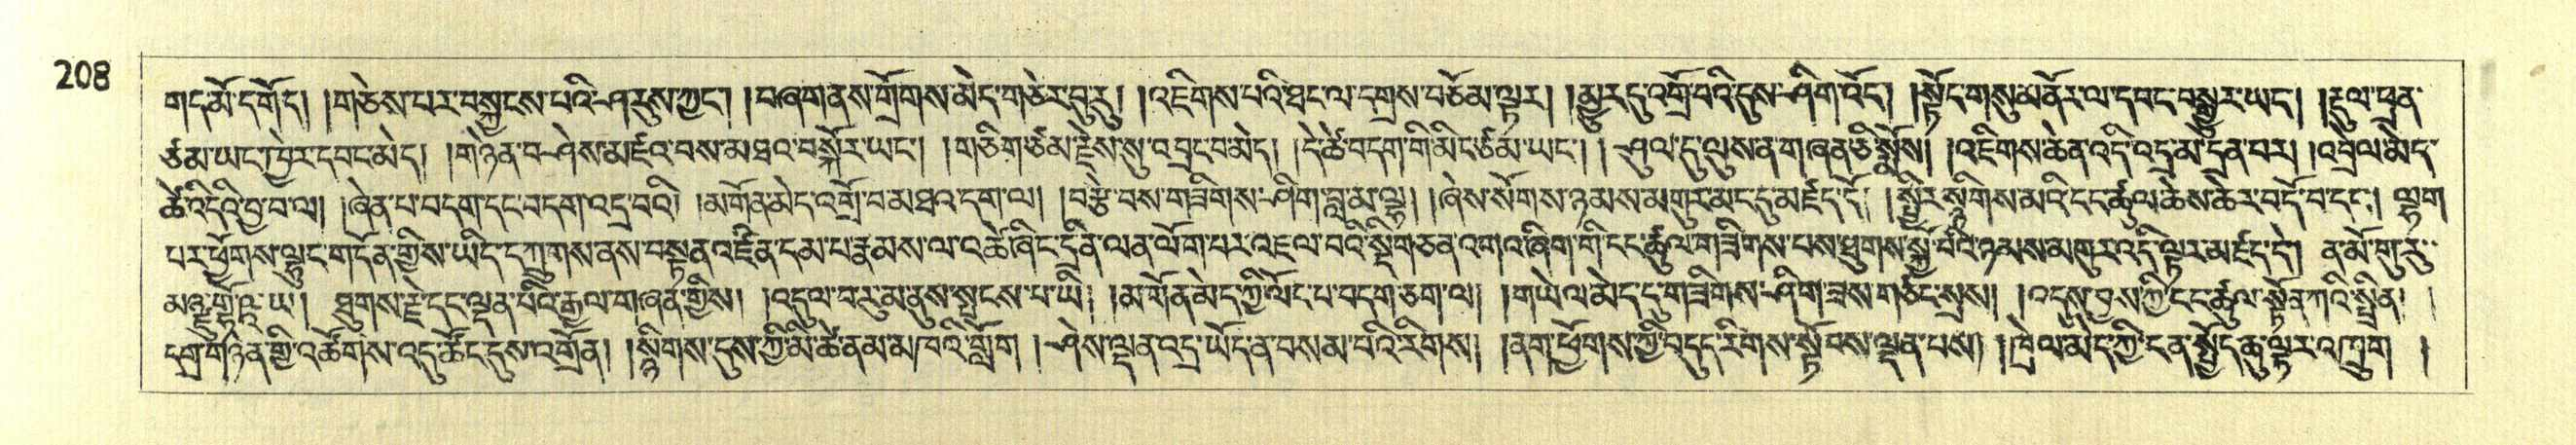གད་མོ་དགོད། །གཅེས་པར་བསྐྱངས་པའི་ཤ་རུས་ཀྱང་། །བཞག་ནས་གྲོགས་མེད་གཅེར་བུ་རུ། །འཇིགས་པའི་ཐང་ལ་དགྲས་བཅོམ་ལྟར། །མྱུར་དུ་འགྲོ་བའི་དུས་ཤིག་འོང་། །སྟོང་གསུམ་ནོར་ལ་དབང་བསྒྱུར་ཡང་། །རྡུལ་ཕྲན་
ཙམ་ཡང་ཁྱེར་དབང་མེད། །གཉེན་བཤེས་མཛའ་བས་མཐའ་བསྐོར་ཡང་། །གཅིག་ཙམ་རྗེས་སུ་འབྲང་བ་མེད། །དེ་ཚེ་བདག་གི་མིང་ཙམ་ཡང་། །ཤུལ་དུ་ལུས་ན་གཞན་ཅི་སྨོས། །འཇིགས་ཆེན་འདི་འདྲ་མ་དྲེན་པར། །འབྲེལ་མེད་
ཚེ་འདིའི་བྱ་བ་ལ། །ཞེན་པ་བདག་དང་བདག་འདྲ་བའི། །མགོན་མེད་འགྲོ་བ་མཐའ་དག་ལ། །བརྩེ་བས་གཟིགས་ཤིག་བླ་མ་ལྷ། །ཞེས་སོགས་ཉམས་མགུར་མང་དུ་མཛད་དོ། །སྤྱིར་སྙིགས་མའི་ངང་ཚུལ་ཆེས་ཆེར་བདོ་བ་དང་། ལྷག་
པར་ཕྱོགས་ལྷུང་གདོན་གྱིས་ཡིད་དཀྲུགས་ནས་བསྟན་འཛིན་དམ་པ་རྣམས་ལ་འཚེ་ཞིང་དྲིན་ལན་ལོག་པར་འཇལ་བའི་སྡིག་ཅན་འགའ་ཞིག་གི་ངང་ཚུལ་གཟིགས་པས་ཐུགས་སྐྱོ་བའི་ཉམས་མགུར་འདི་ལྟར་མཛད་དེ། ན་མོ་གུ་རུ་
མཉྫུ་གྷོ་ཥཱ་ཡ། ཐུགས་རྗེ་དང་ལྡན་པའི་རྒྱལ་གཞན་གྱིས། །འདུལ་བ་རུ་མ་ནུས་སྤངས་པ་ཡི། །མགོན་མེད་ཀྱི་ལོང་པ་བདག་ཅག་ལ། །གཡེལ་མེད་དུ་གཟིགས་ཤིག་ཟས་གཙང་སྲས། །འདུས་བྱས་ཀྱི་པྔང་ཚུལ་སྟོན་ཀའི་སྤྲིན། །
དགྲ་གཉེན་གྱི་འཚོགས་འདུ་ཚོང་དུས་འགྲོན། །སྙིགས་དུས་ཀྱི་མི་ཚེ་ནམ་མཁའི་གློག །ཤེས་ལྡན་འདྲ་ཡོད་ན་བསམ་པའི་རིགས། །ནག་ཕྱོགས་ཀྱི་བདུད་རིགས་སྟོབས་ལྡན་པས། །ཁྲེལ་མེད་ཀྱི་ངན་སྤྱོད་ཆུ་ལྟར་འཁྲུག །